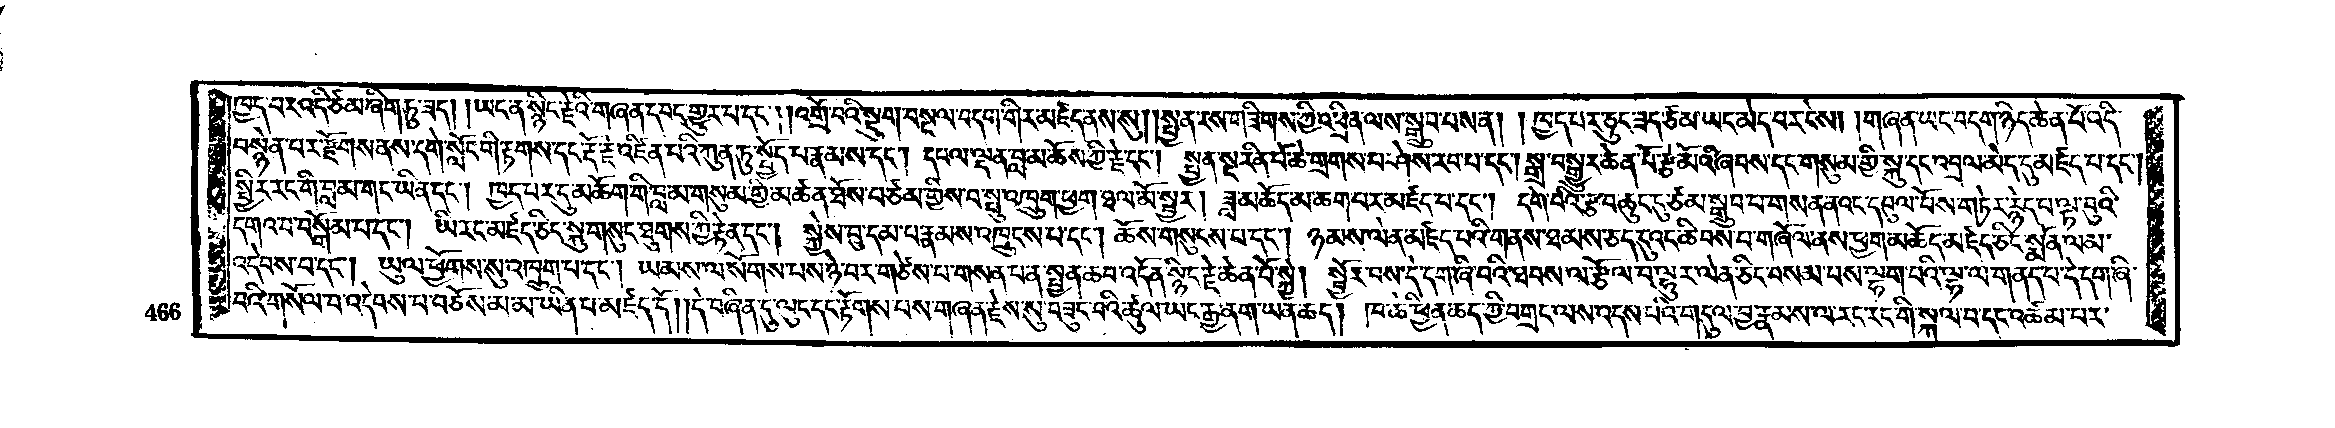ཁྱད་པར་འདི་ཙམ་ཞིག་ཏུ་ཟད། །ཡང་ན་སྙིང་རྗེའི་གཞན་དབང་གྱུར་པ་དང་། །འགྲོ་བའི་སྡུག་བསྔལ་བདག་གིར་མཇེད་ནས་སུ། །སྤྱན་རས་གཟིགས་ཀྱི་འཕྲིན་ལས་སྒྲུབ་པས་ན། །ཁྱད་པར་ཅུང་ཟད་ཙམ་ཡང་མེད་པར་ངེས། །གཞན་ཡང་བདག་ཉིད་ཆེན་པོ་འདི་
བསྙེན་པར་རྫོགས་ནས་དགེ་སློང་གི་རྟགས་དང་རྡོ་རྗེ་འཛིན་པའི་ཀུན་ཏུ་སྤྱོད་པ་རྣམས་དང་། དཔལ་ལྡན་བླ་མ་ཆོས་ཀྱི་རྗེ་དང་། སྤྱན་སྔ་རིན་པོ་ཆེ་གྲགས་པ་ཤེས་རབ་པ་དང་། སྒྲ་བསྒྱུར་ཆེན་པོ་རྩེ་མོའི་ཞབས་དང་གསུམ་གྱི་སྐུ་དང་འབྲལ་མེད་དུ་མཛད་པ་དང་།
སྤྱིར་རང་གི་བླ་མ་གང་ཡིན་དང་། ཁྱད་པར་དུ་མཆོག་གི་བླ་མ་གསུམ་གྱི་མཚན་ཐོས་པ་ཙམ་གྱིས་བ་སྤུ་འཁྲུག་ཕྱག་ཐལ་མོ་སྦྱར། ཟླ་མཆོད་མ་ཆག་པར་མཇེད་པ་དང་། དགེ་བའི་རྩ་བ་ཆུང་ངུ་ཙམ་སྒྲུབ་པ་གསན་ནའང་དབུལ་པོས་གཏེར་རྙེད་པ་ལྟ་བུའི་
དགའ་བ་བསྒོམ་པ་དང་། ཡི་རང་མཛད་ཅིང་སྐུ་གསུང་ཐུགས་ཀྱི་རྟེན་དང་། སྐྱེས་བུ་དམ་པ་རྣམས་འཁྲུངས་པ་དང་། ཆོས་གསུངས་པ་དང་། ཉམས་ལེན་མཛད་པའི་གནས་ཐམས་ཅད་དུའང་ཆི་བས་པ་གཞོལ་ནས་ཕྱག་མཆོད་མཛད་ཅིང་སྨོན་ལམ་
འདེབས་པ་དང་། ཡུལ་ཕྱོགས་སུ་འཁྲུག་པ་དང་། ཡམས་ལ་སོགས་པས་ཉེ་བར་གཙེས་པ་གསན་པ་ན་སྤྱན་ཆབ་འདོན་སྙིང་རྗེ་ཆེན་པོ་སྐྱེ། སྦྱོར་བས་དེ་དག་ཞི་བའི་ཐབས་ལ་རྩོལ་བ་ལྷུར་ལེན་ཅིང་བསམ་པས་ལྷག་པའི་ལྷ་ལ་གནོད་པ་དེ་དག་ཞི་
བའི་གསོལ་བ་འདེབས་པ་བཅོས་མ་མ་ཡིན་པ་མཛད་དོ། །དེ་བཞིན་དུ་ལུང་དང་རྟོགས་པས་གཞན་རྗེས་སུ་བཟུང་བའི་ཚུལ་ཡང་རྒྱ་ནག་ཡན་ཆད། ཁ་ཆེ་ཕྱིན་ཆད་ཀྱི་བགྲང་ལས་འདས་པའི་གདུལ་བྱ་རྣམས་ལ་རང་རང་གི་སྐལ་བ་དང་འཚམ་པར་